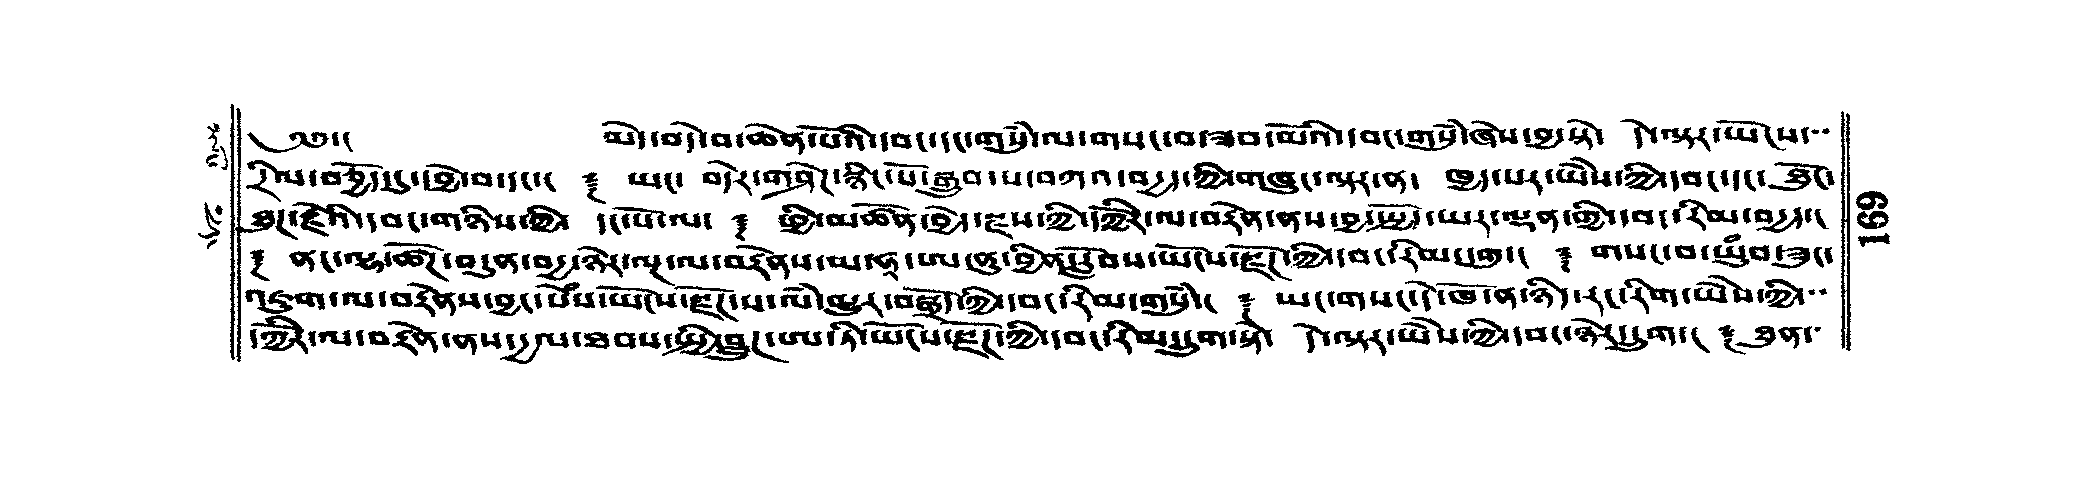མེད་བདེ་བ་ཆེན་པོའི་དབང་དང་གསུམ་ལ་གསང་བ་ཟབ་མོའི་དབང་གསུམ་ཞེས་བྱ་སྟེ། དེ་ལྟར་ཡོངས་
དྲིལ་བཅོ་བརྒྱད་དུ་དབྱེ་བ་དང་། ཡང་། བདེ་གཤེགས་སྙིང་པོ་སྒྲུབ་པ་བཀའ་བརྒྱད་ཀྱི་གཞུང་ལྟར་ན། ཁྱད་པར་ཡེ་ཤེས་ཀྱི་དབང་དང་། ཐུན་མོང་
ཐུགས་རྗེའི་དབང་གཉིས་ཀྱི། དང་པོ་ལ། ཕྱི་མཚོན་བྱེད་རྫས་ཀྱི་དཀྱིལ་འཁོར་ལ་བརྟེན་ནས་བྱ་སྤྱོད་ཡར་ལྡན་གྱི་དབང་རིམ་བརྒྱད། 
ནང་ལྷ་ཚོགས་བདུན་བརྒྱ་ཉེར་ལྔ་ལ་བརྟེན་ནས་མ་ཧཱ་ཨ་ནུ་བྱིན་རླབས་ཡོངས་རྫོགས་ཀྱི་དབང་རིམ་དགུགསང་བ་ཡབ་ཡུམ་ཟུང་
འཇུག་ལ་བརྟེན་ནས་བྱང་སེམས་ཡོངས་རྫོགས་ས་ལམ་མྱུར་བསྒྲོད་ཀྱི་དབང་རིམ་གསུམ། ཡང་གསང་དེ་ཁོ་ན་ཉིད་རང་རིག་ཡེ་ཤེས་ཀྱི་
དཀྱིལ་འཁོར་ལ་བརྟེན་ནས་རྒྱལ་ཐབས་སྤྱི་བླུགས་ཨ་ཏི་ཡོངས་རྫོགས་ཀྱི་དབང་རིམ་དྲུག་སྟེ། དེ་ལྟར་ཡེ་ཤེས་ཀྱི་དབང་ཉེར་དྲུག ཐུན་